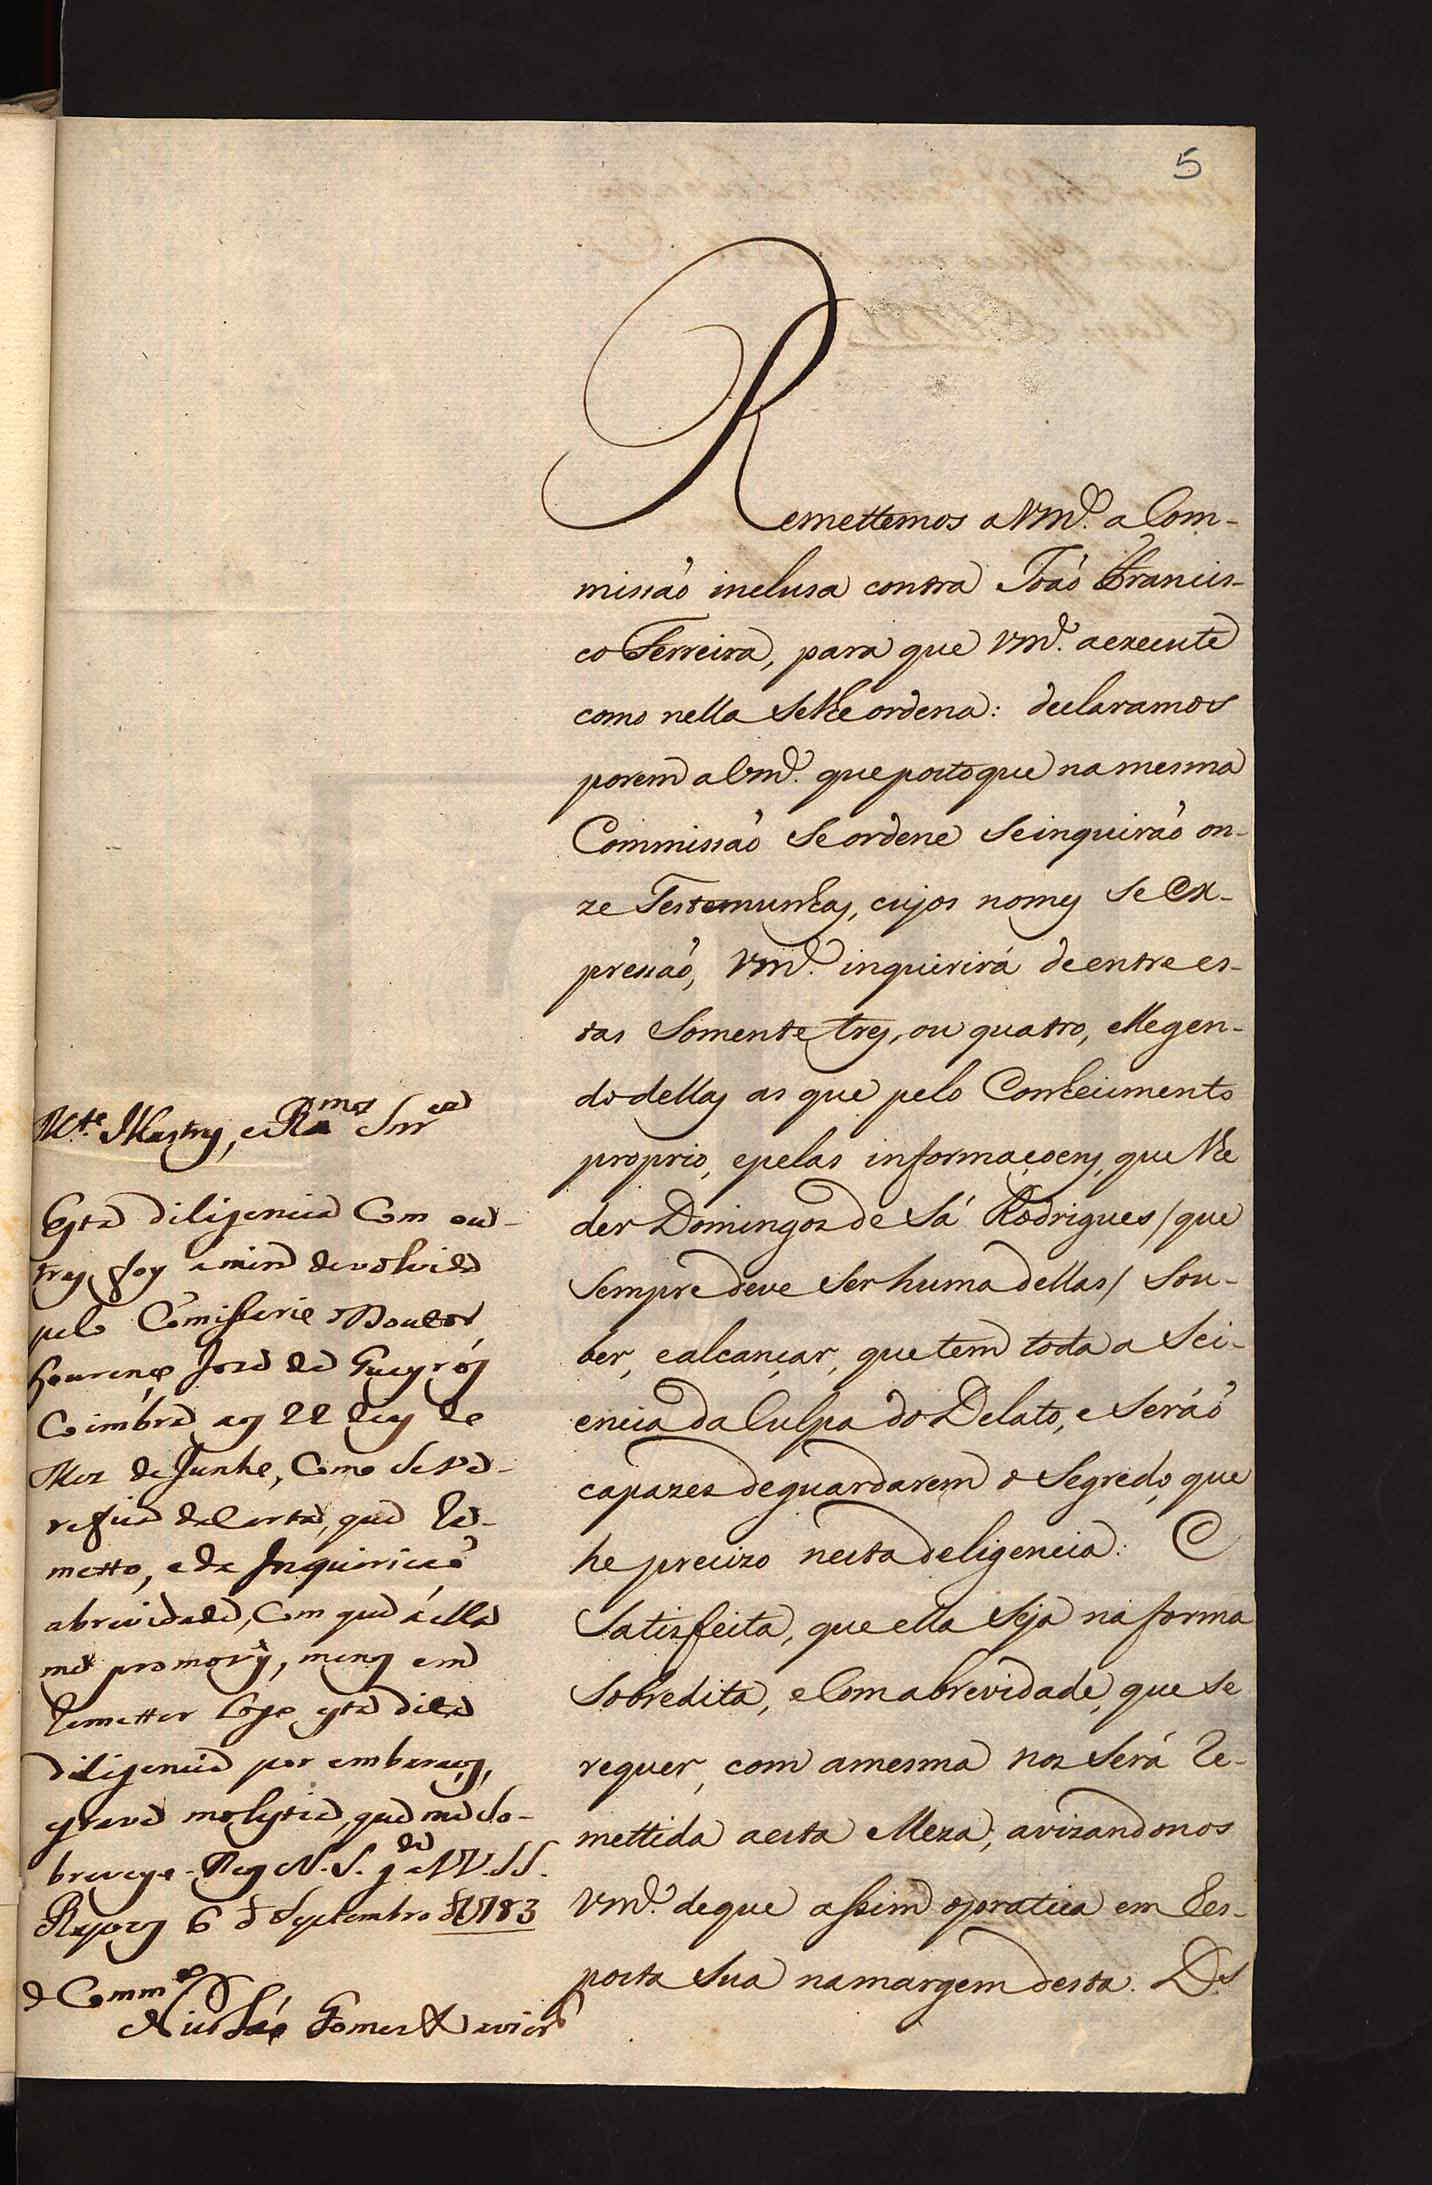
E Remettemos a Vm.e a Com
missaõ inclusa contra Joaõ Francis
co Ferreira, para que v m.e a execute
como nella Se lhe ordena: declaramos
porem a vm.e que posto que na mesma
Commissaõ Se ordene se inquiraõ on
ze Testemunhas, cujos nomes se ex
pressaõ, vm.e inquirirá de entre es
tas Somente tres, ou quatro, ellegen
do dellas as que pelo Conhecimento
proprio, e pelas informaçoens, que lhe
der Domingos de Sá Rodrigues /que
Sempre deve ser huma dellas/ Sou
ber e alcançar que tem toda a Sci
encia da Culpa do Delato, e Seraõ
capazes de guardarem o Segredo, que
he precizo nesta deligencia: E
Satisfeita, que ella Seja na forma
Sobredita, e Com a brevidade, que se
requer, com a mesma noz Será Re
mettida a esta Meza, avizandonos
vm.ce de que assim o pratica em Res
posta Sua na margem desta. D.s
M.to Illustres, e R.mos Snr.es
Esta diligencia Com ou
tras foy a mim devolvida
pelo Com̄issario o Doutor
Lourenço Jozé de Queyrós
Coimbra aos 22 dias de
Mez de Junho, Como se ve
refica da Carta, que Re
metto, e da Jnquiriçaõ
a brevidade, com que a ella
me promovy, menos em
remetter Logo esta dita
diligencia por embaraços,
estava molestia, que me So
breveyo. Deos N. S. g.de a VV.SS.
Rapozos 6 d̄ septembro d̄ 1783
O Comm.o
Nicoláo Gomes Xavier
